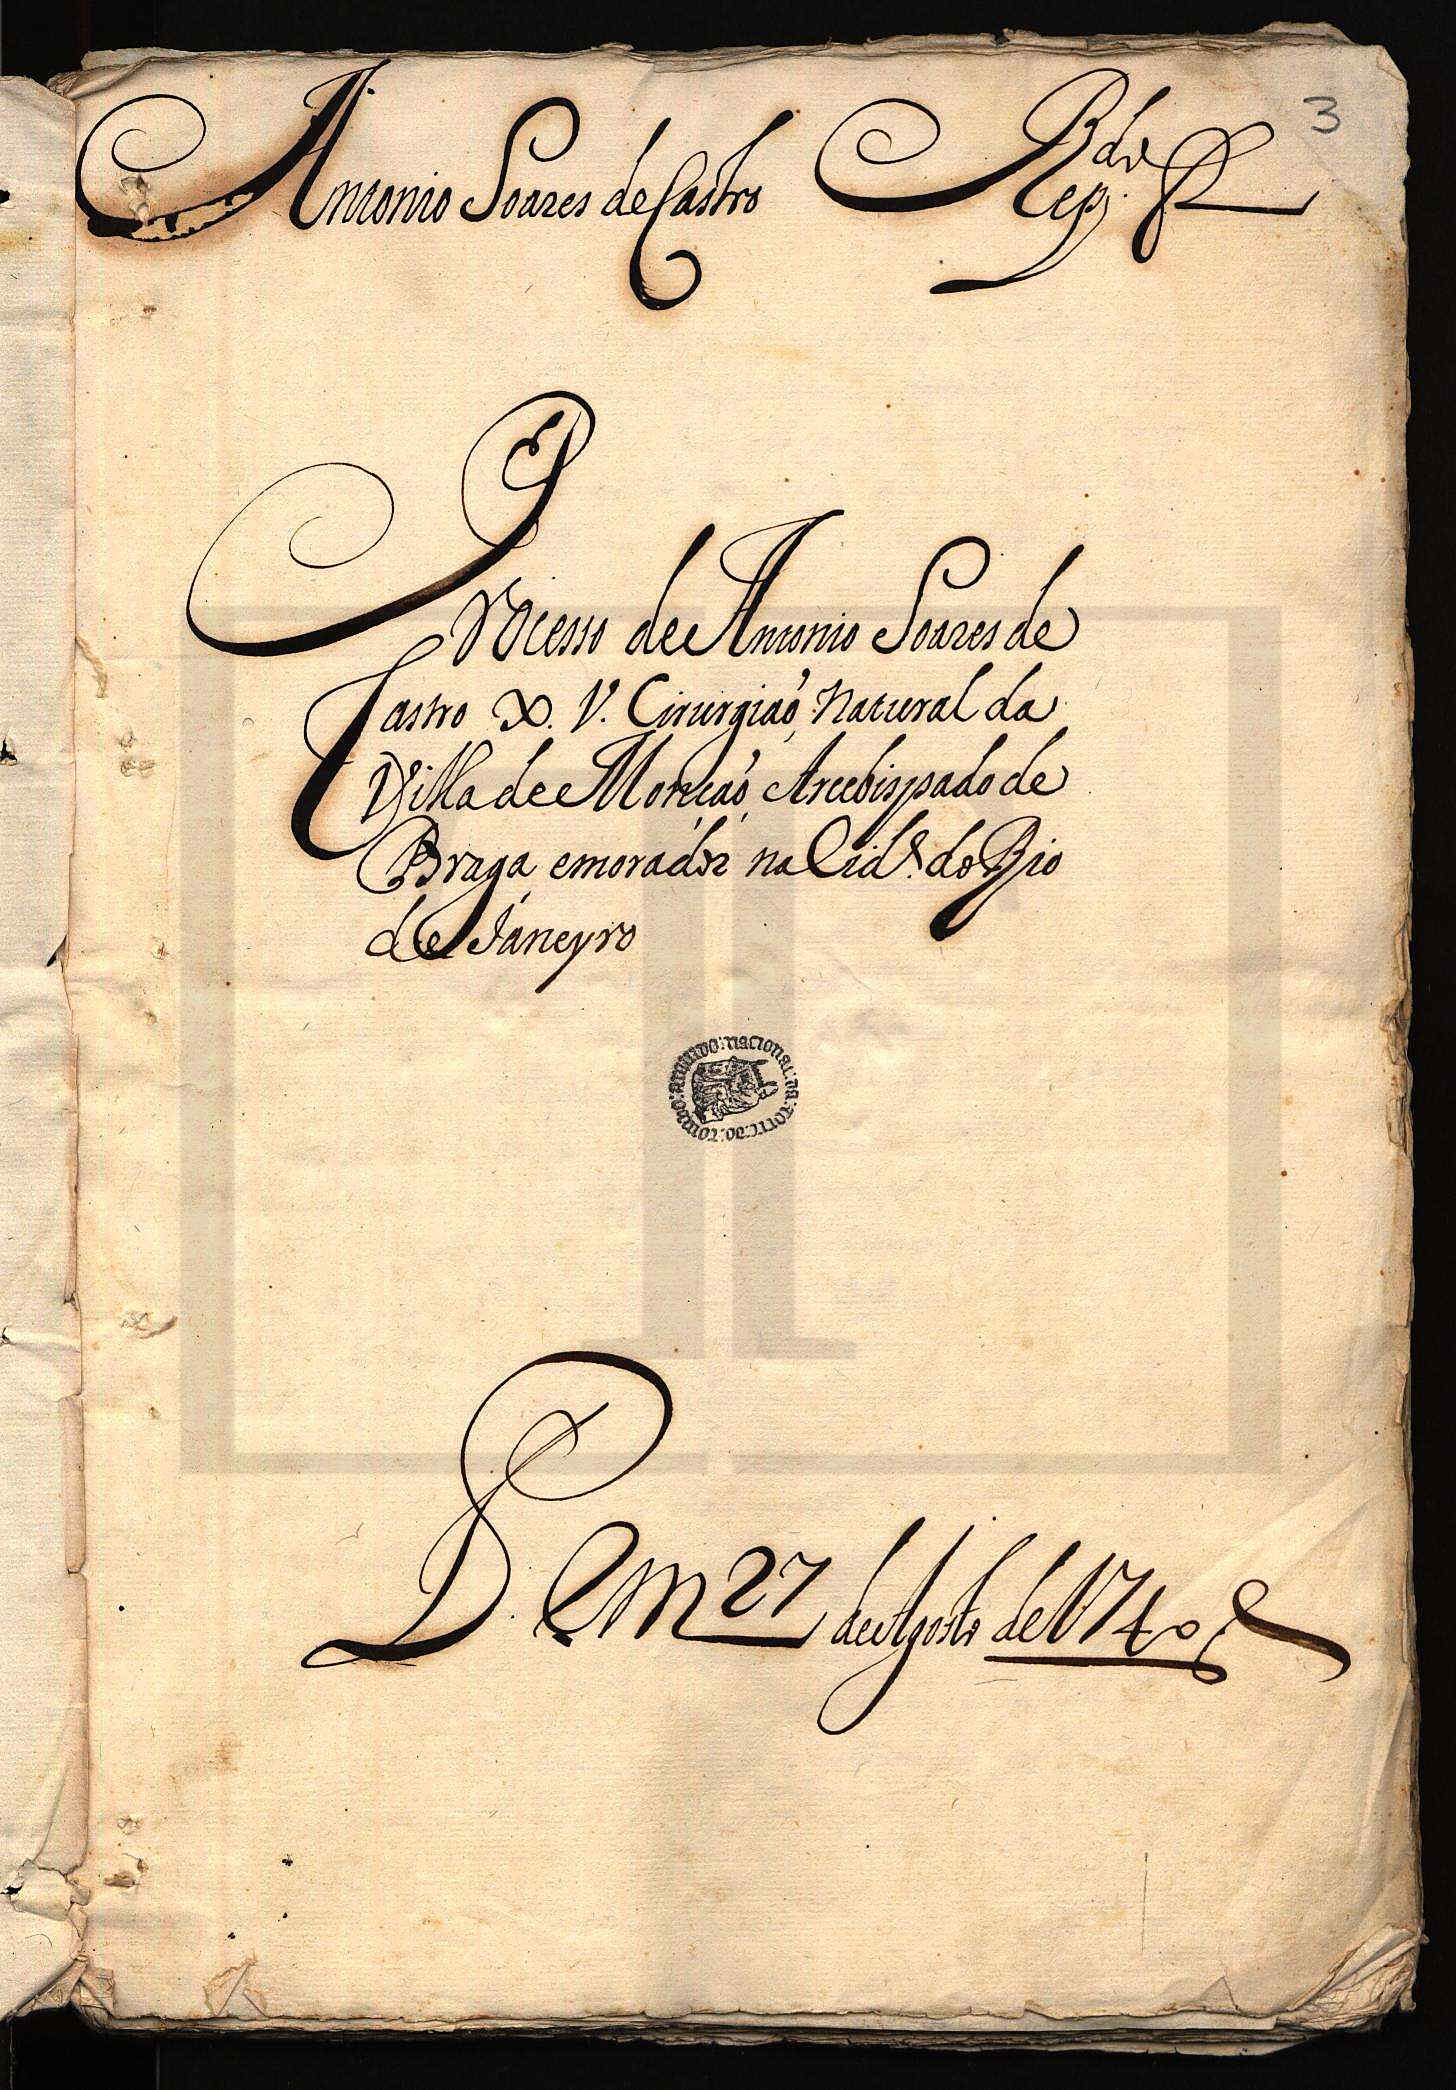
Rep.do fL
P. Em 27 de Agosto de 1740
Processo de Antonio Soares de
Castro x. V. Cirurgiaõ, natural da
Villa de Monçaõ, Arcebispado de
Braga, e morador na Cid.e do Rio
de Ianeyro
Antonio Soares de Castro
